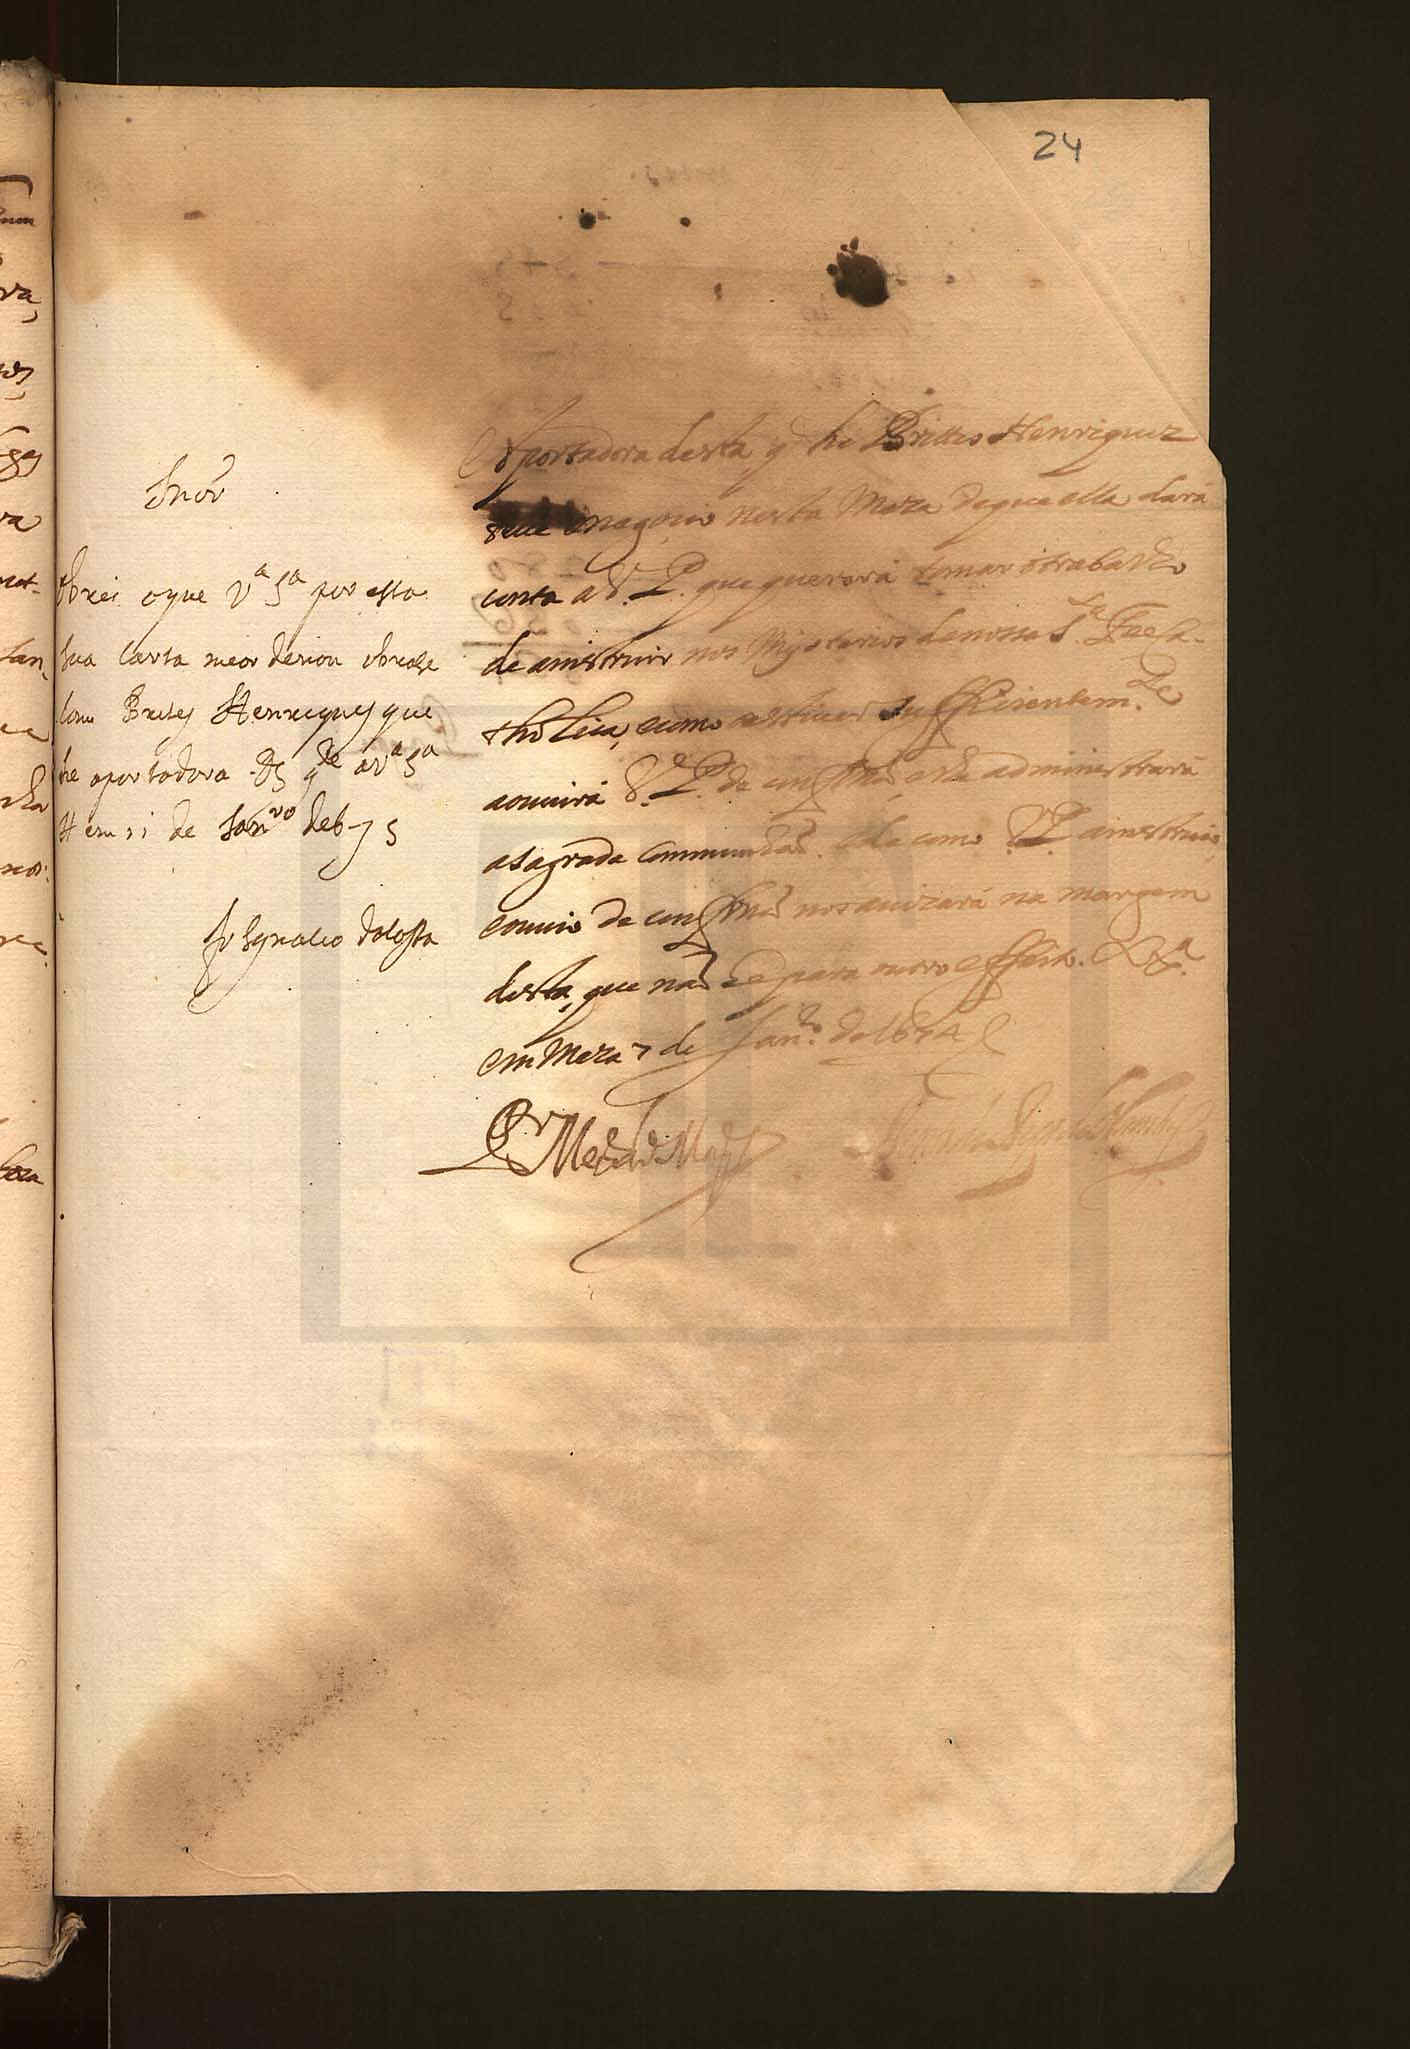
Snor̄
Obrei o que Va Sa por esta
sua carta me ordenou obrase
com Brites Henriques que
he a portadora. Ds gde a Va Sa
Il̄ em 11 de Ianro de 675
fr Ignacio da costa
A portadora desta q̄ he Brittes Henriquez
teue o negocio nesta meza de que ella dará
conta a V. P. que querera tomar o trabalho
de a instruir nos mysterios da nossa Sta Fee Ca
tholica, e como o estiueraõ sufficientem.te
a ouuira V.a P de confissaõ, e lhe administrará
a sagrada communhaõ. e de como V. P. a instruio,
e ouuio de confissaõ nos auizará na margem
desta, que naõ he para outro effeito. Lx.a
em meza 7 de Janro. de 1674
